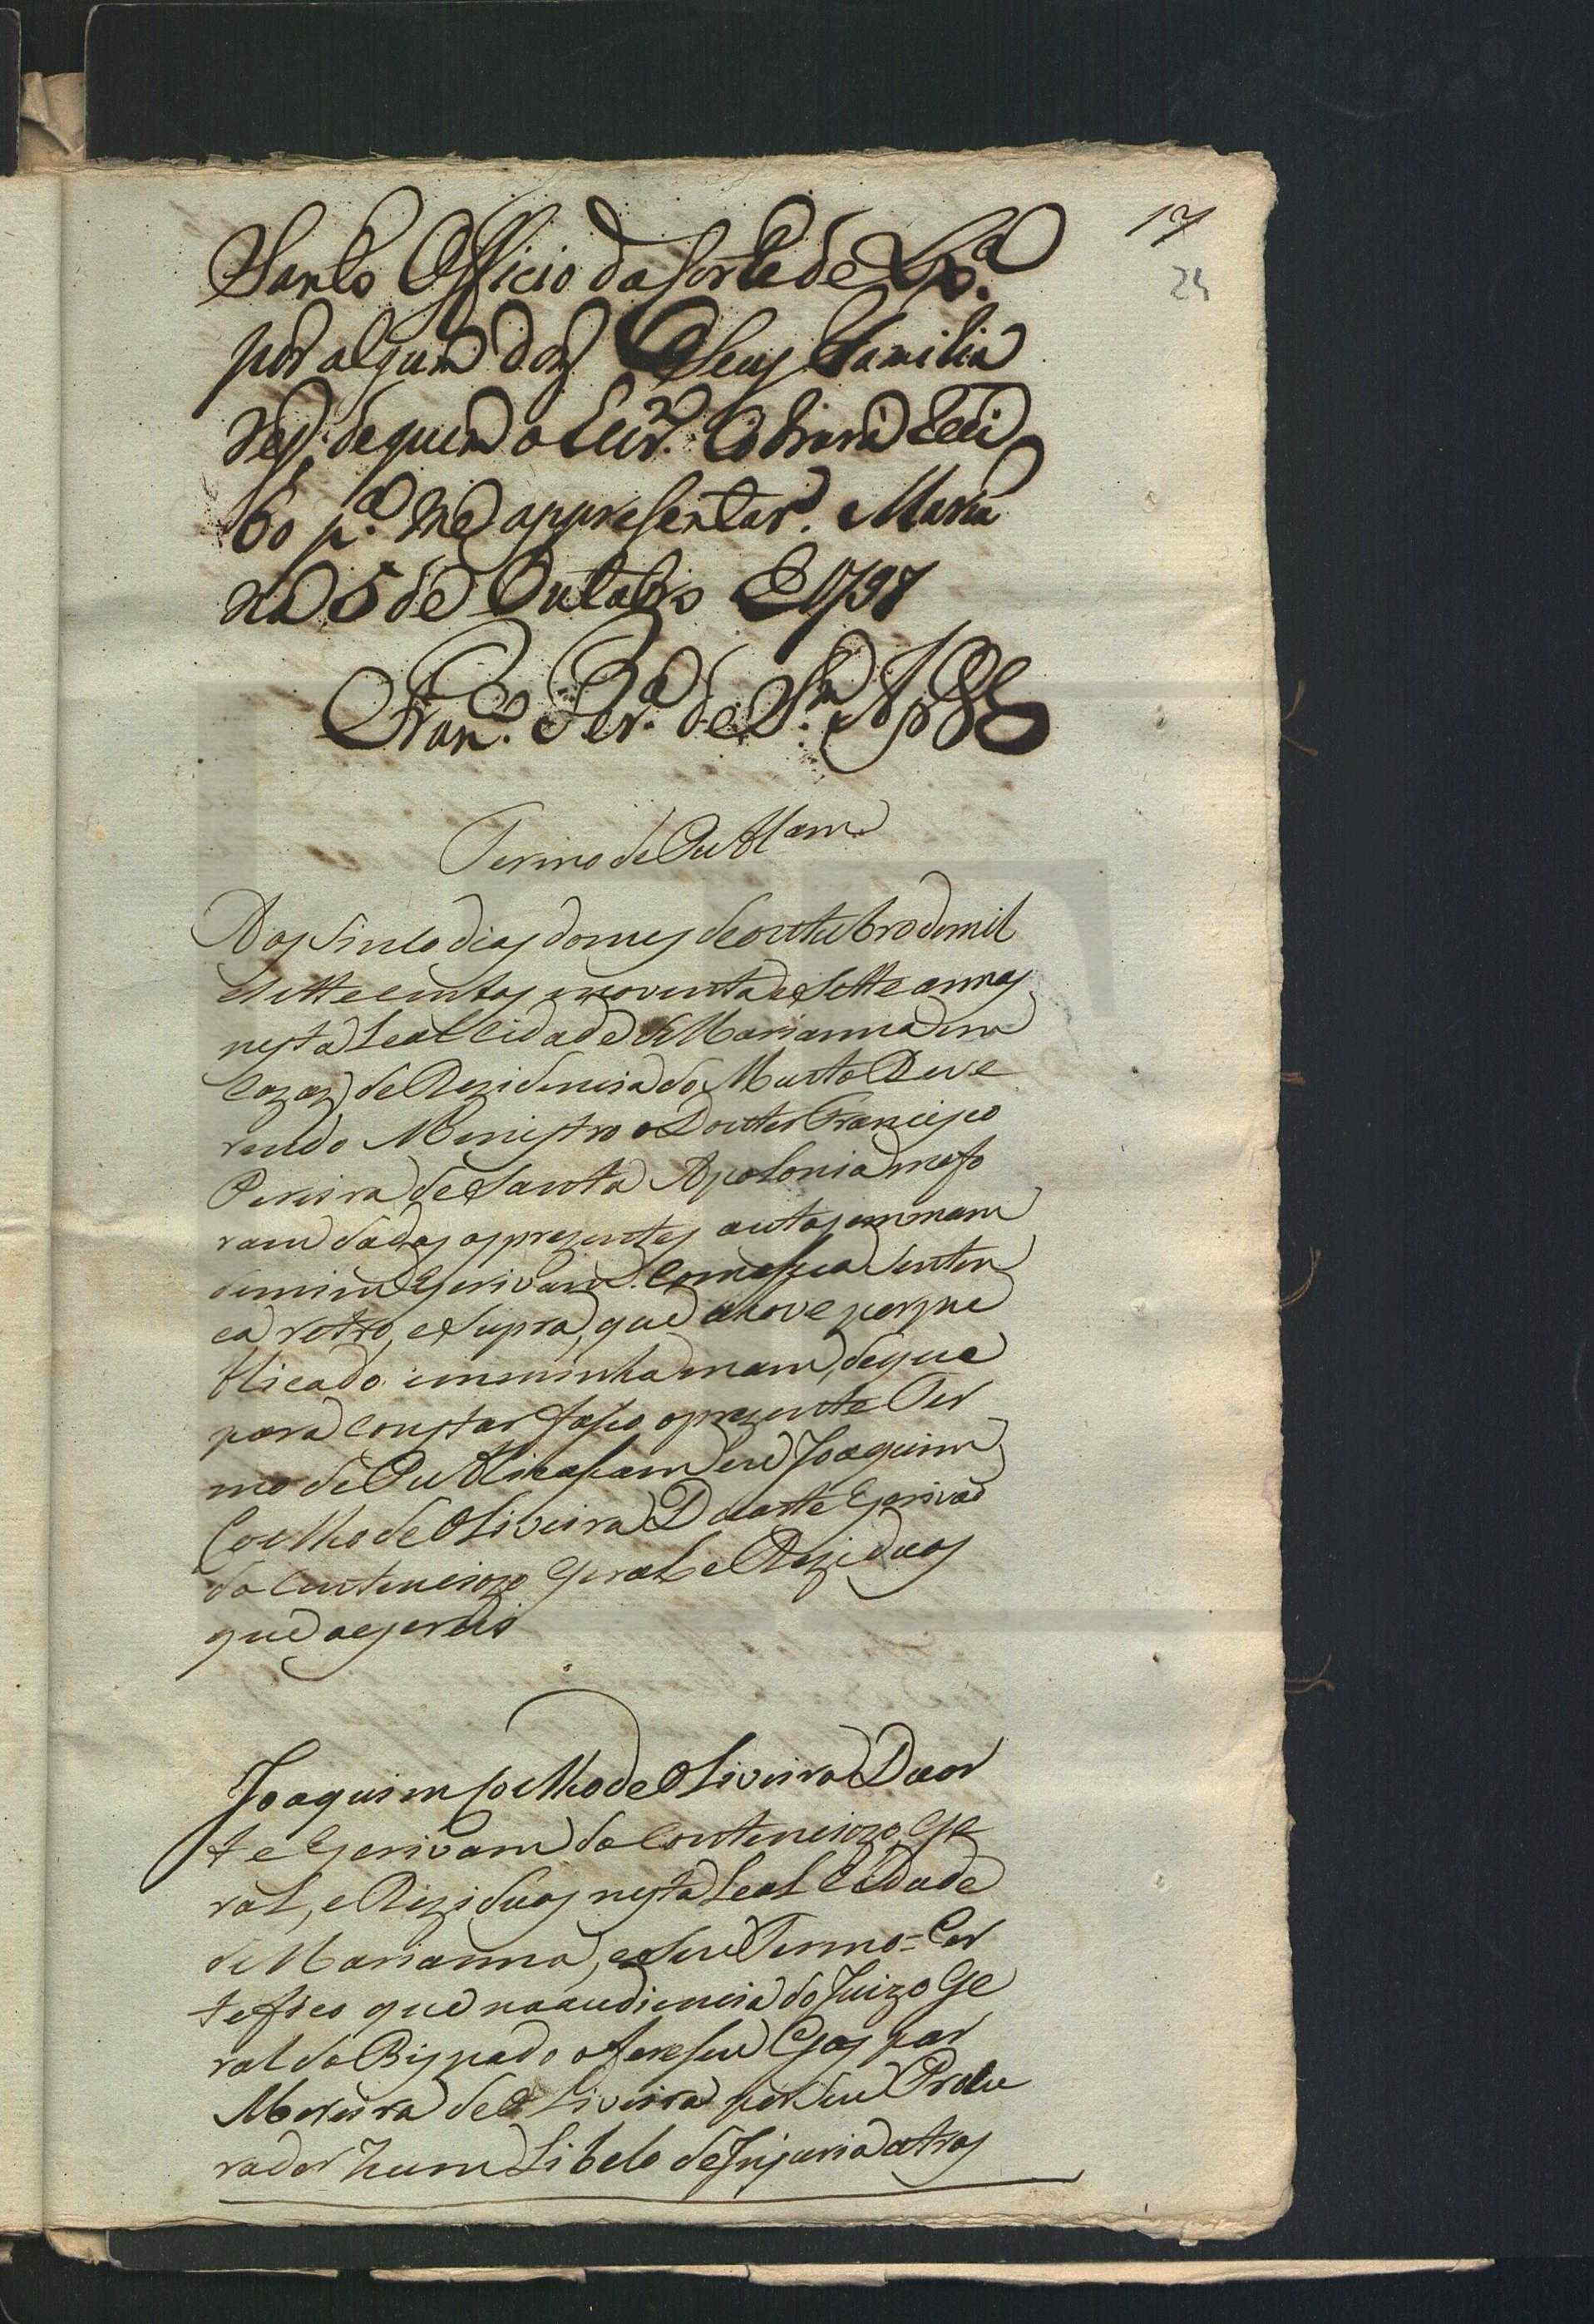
Santo Officio da Corte de Lx.a
por algum doz Seus Familia
res; de quem o Escr.m Os trarà Reci
bo p.a me appresentar. Maria
na 5 de Outubro E 1797
Fran.co Fer.a de S.m Ap
Termo de Publ.am
Aos sinco dias do mes de outubro de mil
e settecentos e noventa e Sette annos
nesta Leal cidade de Marianna em
Cazaz de Rezidencia do Muito Reve
rendo Menistro o Doutor Francisco
Pereira de Santa Apolonia me fo
ram dados os prezentes autos em mam
de mim escrivam com a sua senten
ca retro, e Supra, que a hove por pu
blicado em minha mam, de que
para constar fasso o prezente Ter
mo de Publicassam eu Joaquim
Coelho de oLiveira Duarte Escrivaõ
do contenciozo Geral e Reziduos
que o escrevi
Joaquim Coelho de Oliveira Duar
te Escrivam do contenciozo Ge
ral, e Reziduos nesta Leal cidade
de Marianna, e Seu Termo= Cer
tefico que na audiencia do Juizo Ge
ral do Bispado ofereseu Gaspar
Moreira de oLiveira por seu Procu
rador hum Libelo de Jnjuria atras
